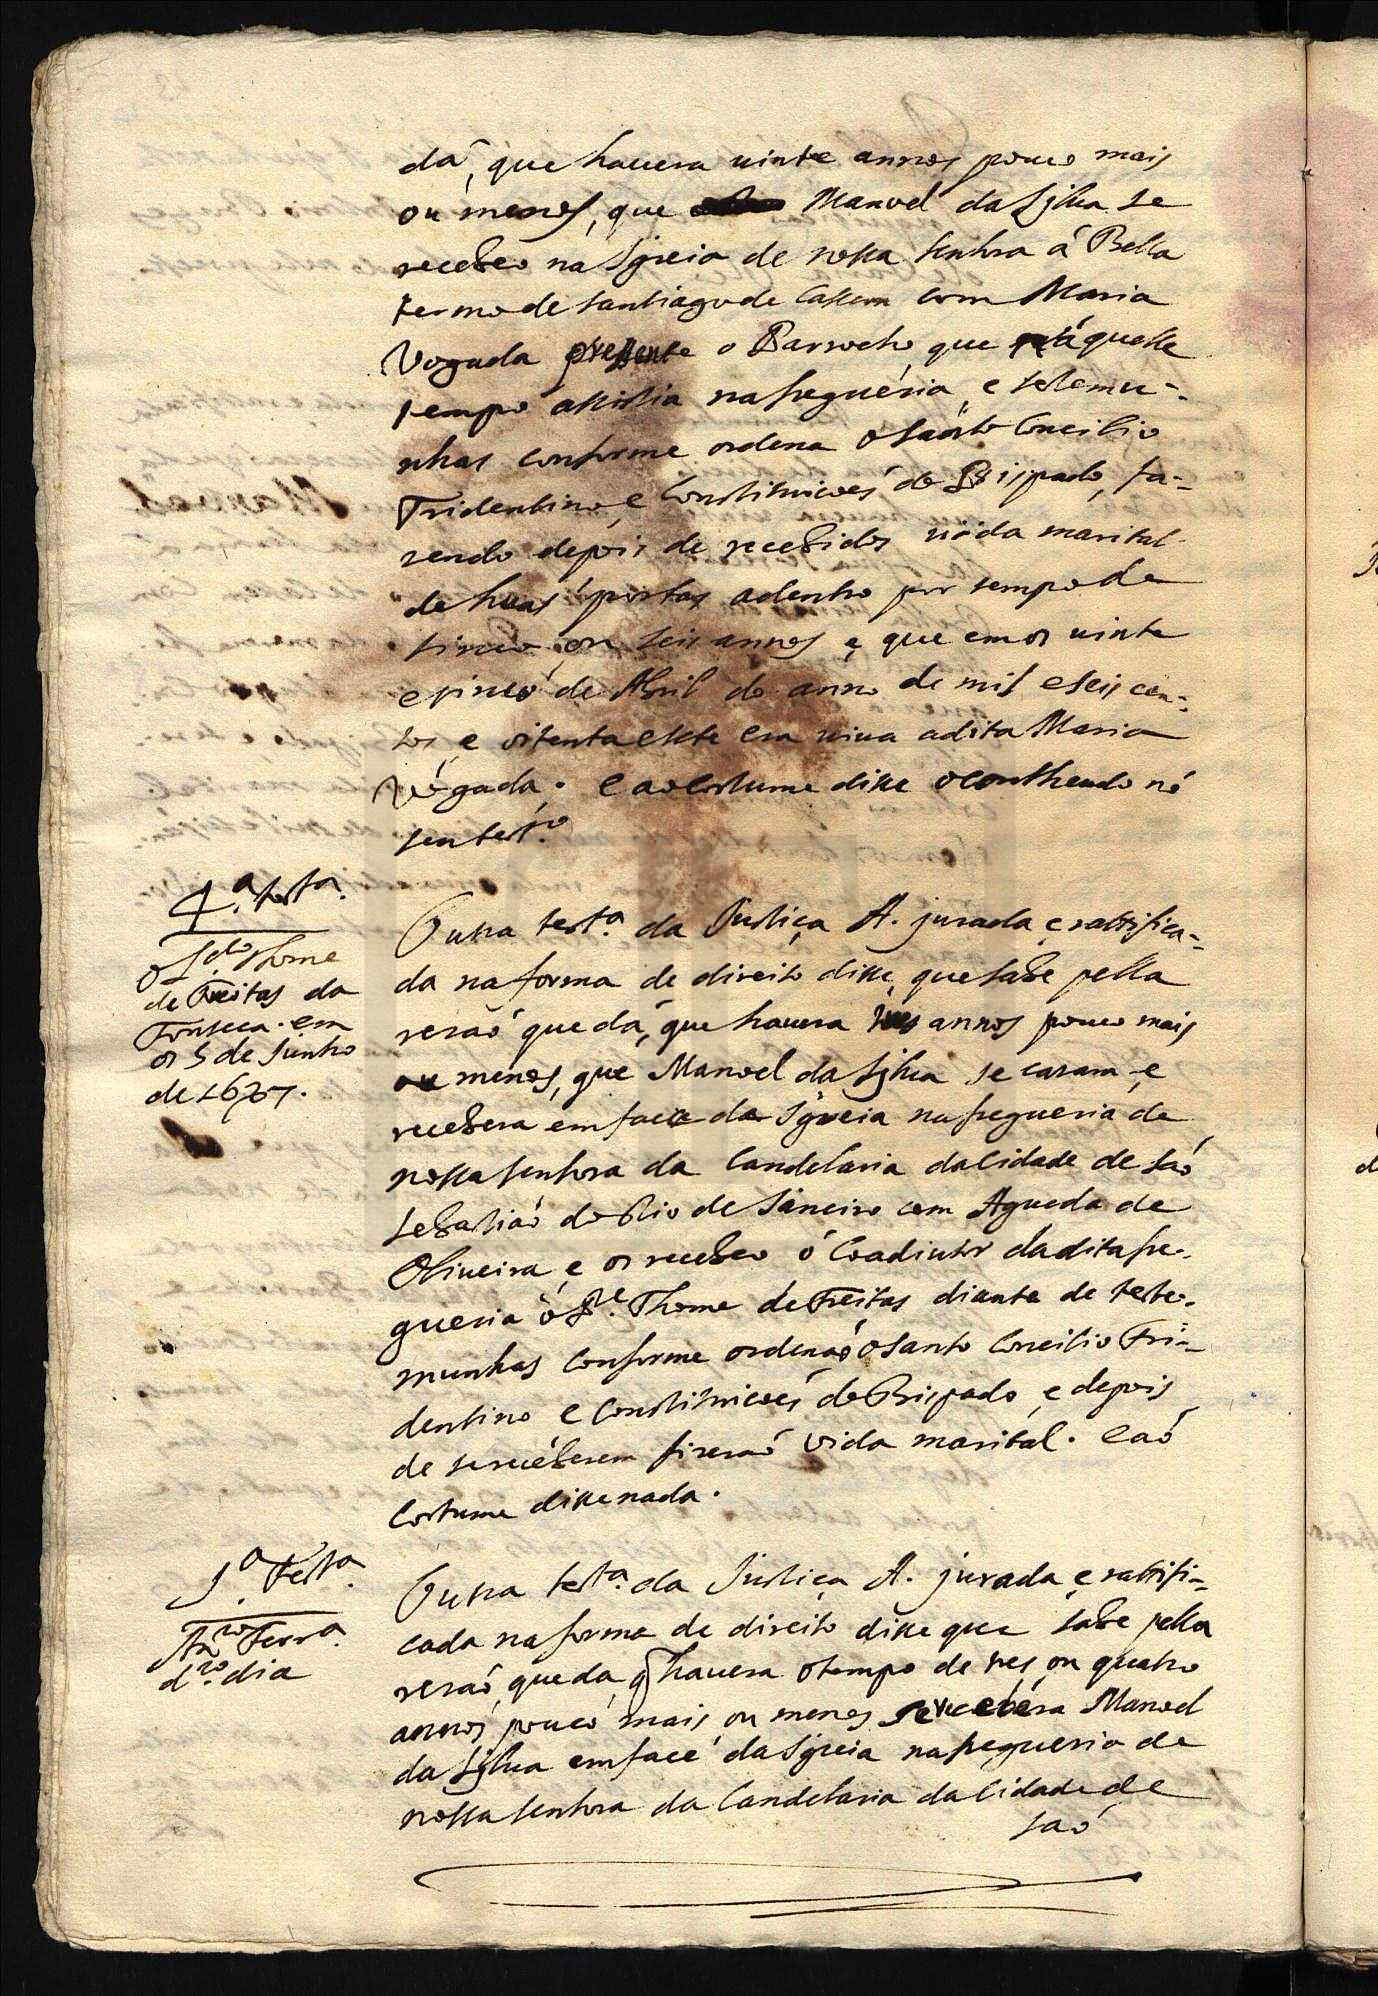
4.a testa.
o L.do thome
de Freitas da
Fonseca. em
os 5 de Iunho
de 1687.
1a. Test.a
Anto Ferra.
dt.o dia
da, que hauera uinte annos pouco mais
ou menos, que _ Manoel da Sjlua se
recebeo na Igreia de nossa Senhora á Bella
termo de santiago de Cassem com Maria
Vogada pressente o Parrocho, que náquelle
tempo assistia na freguezia, e tetemu
nhas conforme ordena o Santo Concilio
Tridentino, e Constituiçoẽs do Bispado, fa
zendo depois de recebidos uida marital
de huas portas adentro por tempo de
sinco, ou seis annos, e que em os uinte
e sinco de Abril do anno de mil e seiscen
tos, e oitenta e sete era uiua a dita Maria
Vogada; e ao costume disse o contheudo no
seu test.o
Outra test.a da Iustiça A. jurada, e ratifica
da na forma de direito disse, que sabe pella
rezaõ que dá, que hauera tres annos pouco mais
ou menos, que Manoel da Sjlua, se cazara, e
recebera em facce da Igreia na freguezia de
nossa Senhora da Candelaria da cidade de Saõ
Sebastiaõ do Rio de Ianeiro com Agueda de
Oliueira, e os recebeo o Coadiutor da dita fre
guezia o P.e Thome de Freitas diante de teste
munhas conforme ordenaõ o santo Concilio Tri
dentino, e constituiçoẽs do Bispado, e depois
de se receberem fizeraõ vida marital. e ao
costume disse nada.
Outra testa. da Iustiça A. jurada, e ratifi
cada na forma de direito disse que sabe pella
rezaõ, que da, q̄ hauera o tempo de tres, ou quatro
annos pouco mais, ou menos se recebera Manoel
da Sjlua em face da Igreia na freguezia de
nossa senhora da Candelaria da cidade de
saõ
